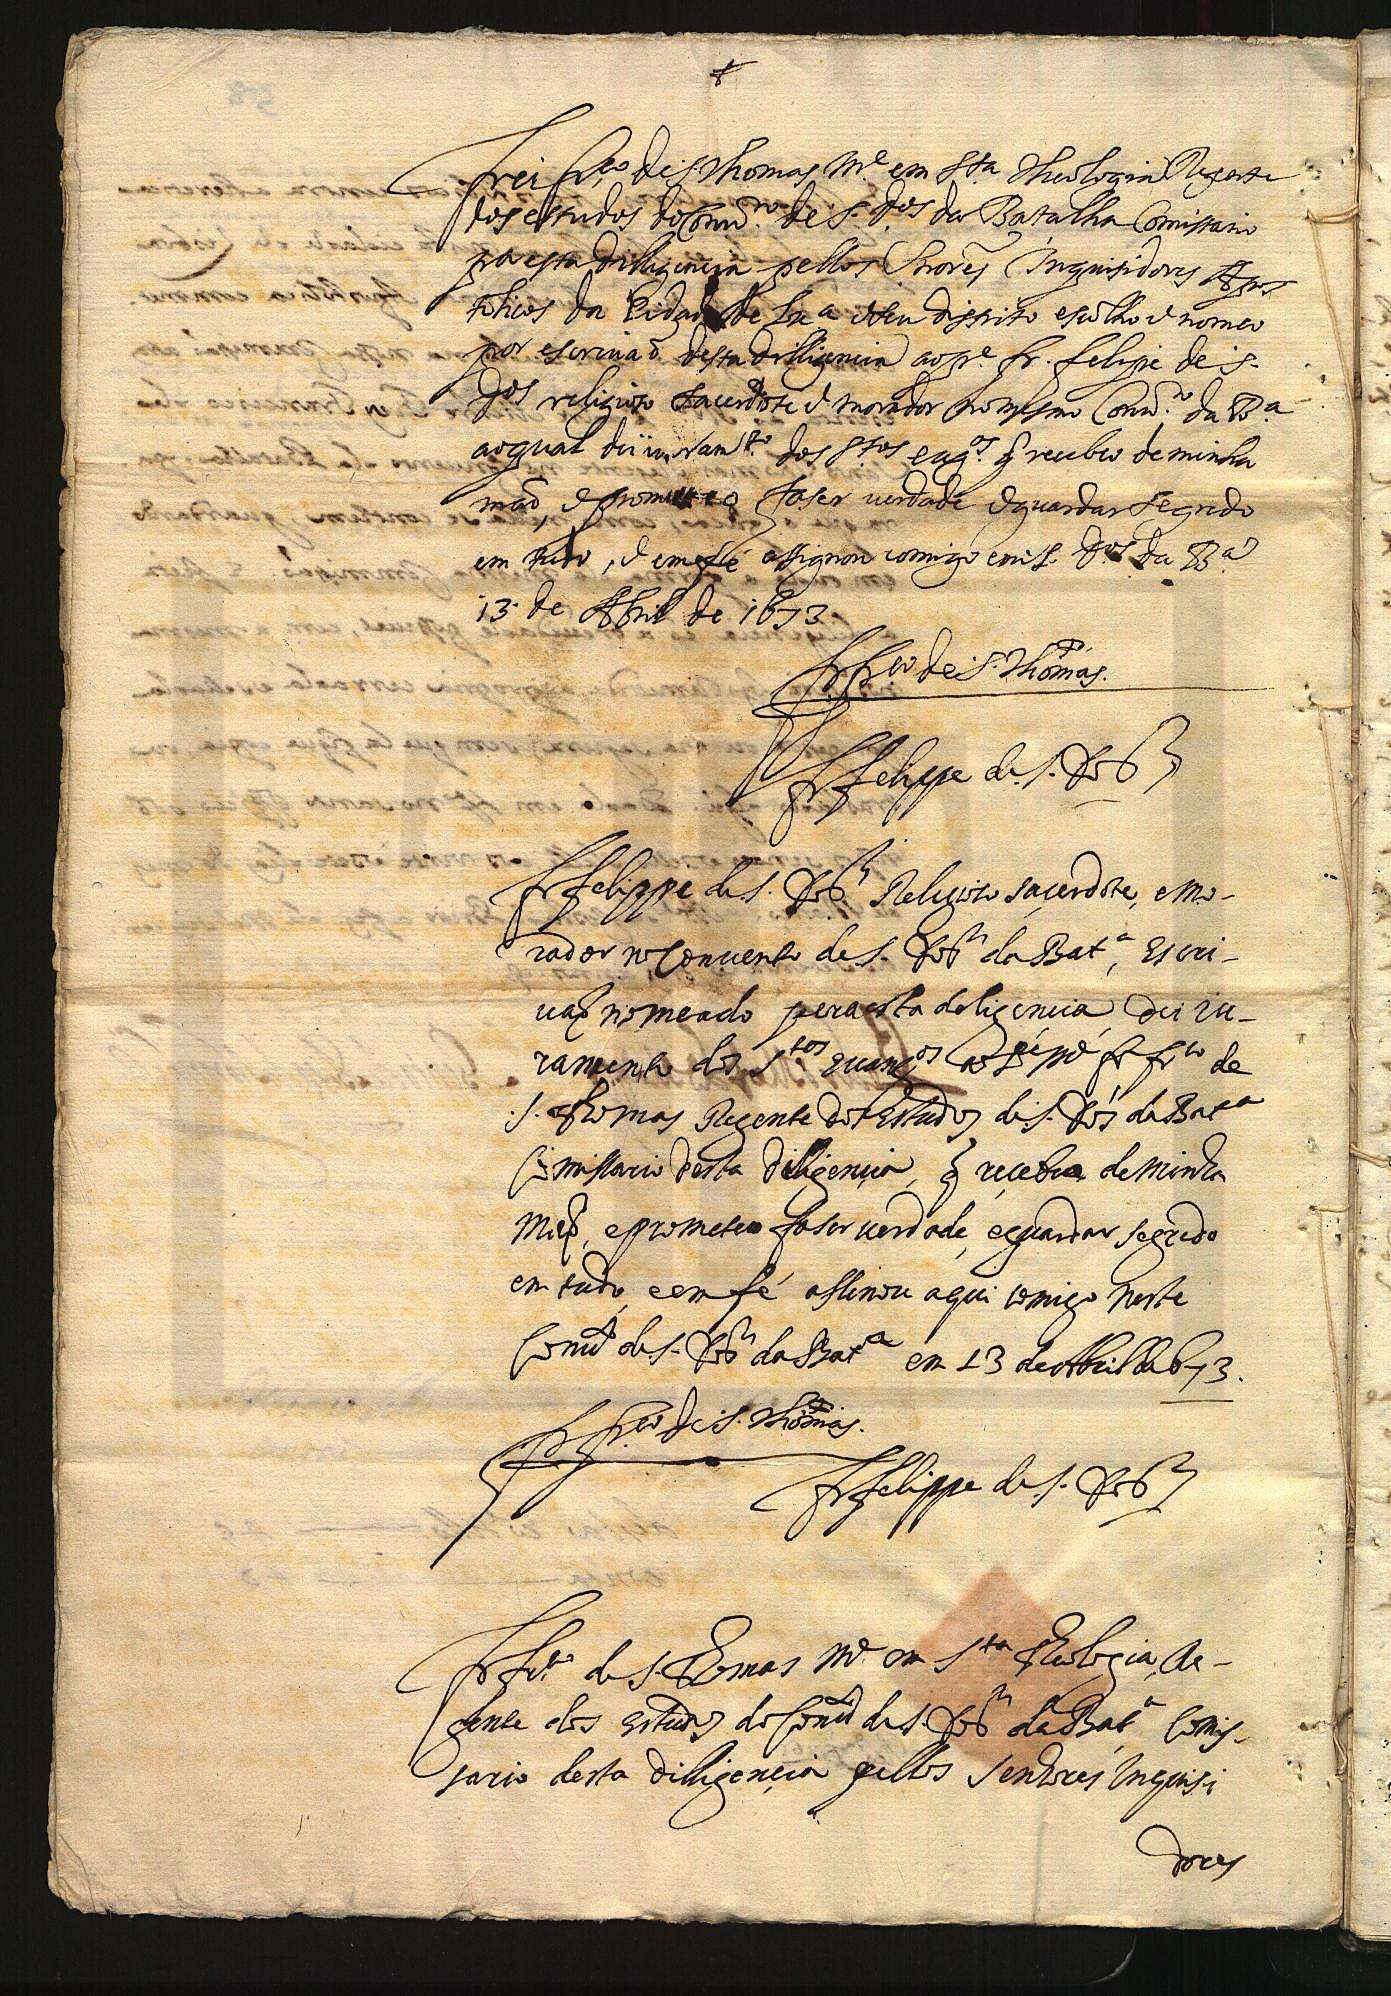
frei fr.co de s. thomas m.e em S.ta theologia Regente
dos estudos do Conu.to de S. D.os da Batalha Comissario
pa esta dilligencia pellos Snorēs Inquisidores Apos
tolicos da cidade de Lxa e seu distrito escolho e nomeo
por escriuaõ desta dilligencia ao pe fr. felipe de s.
D.os religioso sacerdote e morador no mesmo Conu.to da B.a
ao qual dei iuram.to dos S.tos eugos q̄ recebeo de minha
maõ, e prometteo faser uerdade e guardar segredo
em tudo, e em fé assignou comigo em s. D.os da B.a
i3. de Abril de i673
fr fr.co de s. thomas.
fr felippe de s. Dos̄
fr felippe de s. Dos. Religioso sacerdote, e mo
rador no Conuento de S. Dos̄ da Bata, Escri
uaõ nomeado pera esta deligencia dei iu
ramento dos Stos Euangos ao Pe Me fr frco de
S. thomas Regente dos Estudos de S. Dos̄ da Bata
Comissario desta diligencia, q̄ recebeo de minha
maõ, e prometeo faser uerdade, e guardar segredo
em tudo, e em fé assinou aqui comigo neste
Conuto de S. Dos̄ da Bata em 13 de Abril de 673.
fr frco de s. thomas
fr felippe de s. Dos̄
fr fr.co de S. Thomas me na Sta theologia, Re
gente dos Estudos do Conuto de S. Dos̄ da Bata Comis
sario desta dilligencia pellos Senhores Inquisi
dores
